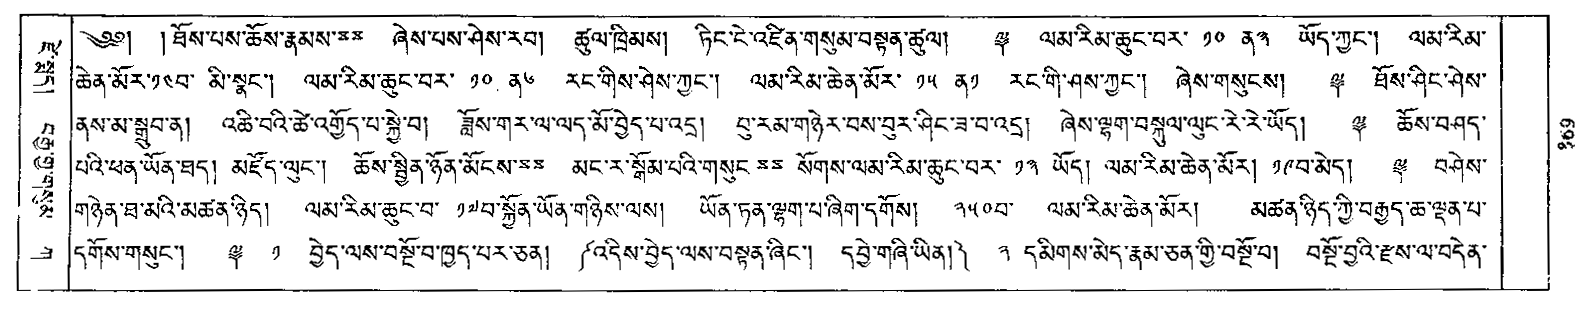༄༅། །ཐོས་པས་ཆོས་རྣམས་྾་྾་ཞེས་པས་ཤེས་རབ། ཚུལ་ཁྲིམས། ཏིང་ངེ་འཛིན་གསུམ་བསྟན་ཚུལ། ༈ ལམ་རིམ་ཆུང་བར ༡༠་ན ༣་ཡོད་ཀྱང་། ལམ་རིམ་
ཆེན་མོར ༡༤་བ་མི་སྣང་། ལམ་རིམ་ཆུང་བར ༡༠་ན ༦་རང་གིས་ཤེས་ཀྱང་། ལམ་རིམ་ཆེན་མོར ༡༥་ན ༡་རང་གི་ཤས་ཀྱང་། ཞེས་གསུངས། ༈ ཐོས་ཤིང་ཤེས་
ནས་མ་སྒྲུབ་ན། འཆི་བའི་ཚེ་འགྱོད་པ་སྐྱེ་བ། ཟློས་གར་ལ་ལད་མོ་བྱེད་པ་འདྲ། བུ་རམ་གཉེར་བས་བུར་ཤིང་ཟ་བ་འདྲ། ཞེས་ལྷག་བསྐུལ་ལུང་རེ་རེ་ཡོད། ༈ ཆོས་བཤད་
པའི་ཕན་ཡོན་ཐད། མཛོད་ལུང་། ཆོས་སྦྱིན་ཉོན་མོངས་྾་྾་མང་ར་སྒོམ་པའི་གསུང་྾་྾་སོགས་ལམ་རིམ་ཆུང་བར ༡༣་ཡོད། ལམ་རིམ་ཆེན་མོར། ༡༩་བ་མེད། ༈ བཤེས་
གཉེན་ཐ་མའི་མཚན་ཉིད། ལམ་རིམ་ཆུང་བ ༡༧་བ་སྐྱོན་ཡོན་གཉིས་ལས། ཡོན་ཏན་ལྷག་པ་ཞིག་དགོས། ༢༥༠་བ་ལམ་རིམ་ཆེན་མོར། མཚན་ཉིད་ཀྱི་བརྒྱད་ཆ་ལྡན་པ་
དགོས་གསུང་། ༈ ༡་བྱེད་ལས་བསྔོ་བ་ཁྱད་པར་ཅན། ?འདིས་བྱེད་ལས་བསྟན་ཞིང་། དབྱེ་གཞི་ཡིན། ༢་དམིགས་མེད་རྣམ་ཅན་གྱི་བསྔོ་བ། བསྔོ་བྱའི་རྫས་ལ་བདེན་